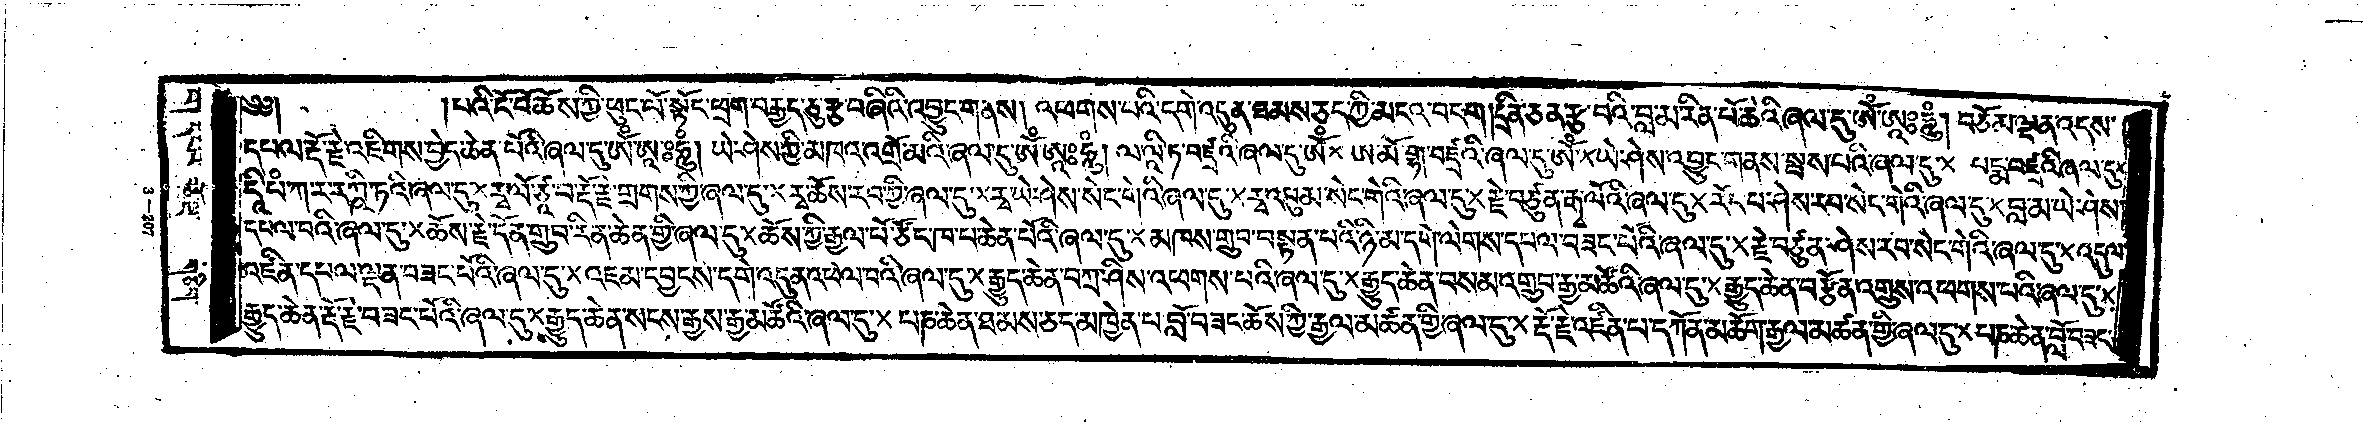༄༅། །པའི་ངོ་བོ་ཆོས་ཀྱི་ཕུང་པོ་སྟོང་ཕྲག་བརྒྱད་ཅུ་རྩ་བཞིའི་འབྱུང་གནས། འཕགས་པའི་དགེ་འདུན་ཐམས་ཅད་ཀྱི་མངའ་བདག །དྲིན་ཅན་རྩ་བའི་བླ་མ་རིན་པོ་ཆེའི་ཞལ་དུ་ཨོཾ་ཨཱཿ ཧཱུཾ། བཅོམ་ལྡན་འདས་
དཔལ་རྡོ་རྗེ་འཇིགས་བྱེད་ཆེན་པོའི་ཞལ་དུ་ཨོཾ་ཨཱཿཧཱུཾ། ཡེ་ཤེས་ཀྱི་མཁའ་འགྲོ་མའི་ཞལ་དུ་ཨོཾ་ཨཱཿ ཧཱུཾ། ལ་ལཱི་ཏ་བཛྲའི་ཞལ་དུ་ཨོཾ་྾་ཨོཾ་མོ་གྷ་བཛྲའི་ཞལ་དུ་ཨོཾ་྾་ཡེ་ཤེས་འབྱུང་གནས་སྤས་པའི་ཞལ་དུ་྾་པདམ་བཛྲའི་ཞལ་དུ་྾་
དཱི་པཾ་ཀ་ར་རཀྵི་ཏའི་ཞལ་དུ་྾་རྭ་ལོ་ཙཱ་བ་རྡོ་རྗེ་གྲགས་ཀྱི་ཞལ་དུ་྾་རྭ་ཆོས་རབ་ཀྱི་ཞལ་དུ་྾་རྭ་ཡེ་ཤེས་སེང་གེའི་ཞལ་དུ་྾་རྭ་འབུམ་སེང་གེའི་ཞལ་དུ་྾་རྗེ་བཙུན་རྒྭ་ལོའི་ཞལ་དུ་྾་རོང་པ་ཤེས་རབ་སེང་གེའི་ཞལ་དུ་྾་བླ་མ་ཡེ་ཤེས་
དཔལ་བའི་ཞལ་དུ་྾་ཆོས་རྗེ་དོན་གྲུབ་རིན་ཆེན་གྱི་ཞལ་དུ་྾་ཆོས་ཀྱི་རྒྱལ་པོ་ཙོང་ཁ་པ་ཆེན་པོའི་ཞལ་དུ་྾་མཁས་གྲུབ་བསྟན་པའི་ཉི་མ་དགེ་ལེགས་དཔལ་བཟང་པོའི་ཞལ་དུ་྾་རྗེ་བཙུན་ཤེས་རབ་སེང་གེའི་ཞལ་དུ་྾་འདུལ་
འཛིན་དཔལ་ལྡན་བཟང་པོའི་ཞལ་དུ་྾་འཇམ་དབྱངས་དགེ་འདུན་འཕེལ་བའི་ཞལ་དུ་྾་རྒྱུད་ཆེན་བཀྲ་ཤིས་འཕགས་པའི་ཞལ་དུ་྾་རྒྱུད་ཆེན་བསམ་འགྲུབ་རྒྱ་མཚོའི་ཞལ་དུ་྾་རྒྱུད་ཆེན་བརྩོན་འགྲུས་འཕགས་པའི་ཞལ་དུ་྾་
རྒྱུད་ཆེན་རྡོ་རྗེ་བཟང་པོའི་ཞལ་དུ་྾་རྒྱུད་ཆེན་སངས་རྒྱས་རྒྱ་མཚོའི་ཞལ་དུ་྾་པཎ་ཆེན་ཐམས་ཅད་མཁྱེན་པ་བློ་བཟང་ཆོས་ཀྱི་རྒྱལ་མཚན་གྱི་ཞལ་དུ་྾་རྡོ་རྗེ་འཛིན་པ་དཀོན་མཆོག་རྒྱལ་མཚན་གྱི་ཞལ་དུ་྾་པཎ་ཆེན་བློ་བཟང་